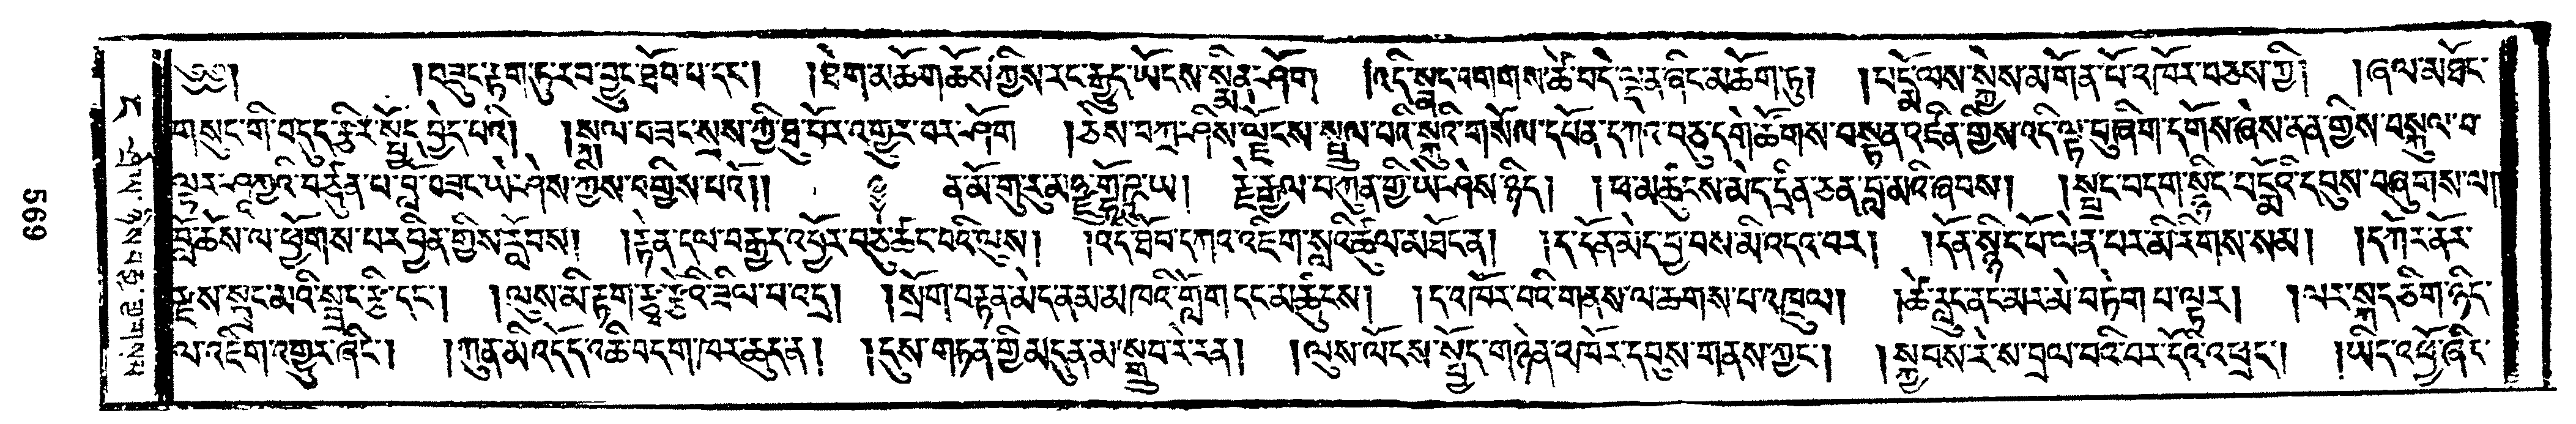༄༅། །བཟུང་རྟག་ཏུ་རབ་བྱུང་ཐོབ་པ་དང་། །ཐེག་མཆོག་ཆོས་ཀྱིས་རང་རྒྱུད་ཡོངས་སྨིན་ཤོག །འདི་སྣང་འགགས་ཚེ་བདེ་ལྡན་ཞིང་མཆོག་ཏུ། །པདམོ་ལས་སྐྱེས་མགོན་པོ་འཁོར་བཅས་ཀྱི། །ཞལ་མཐོང་
གསུང་གི་བདུད་རྩིར་སྤྱོད་བྱེད་པའི། །སྐལ་བཟང་སྲས་ཀྱི་ཐུ་བོར་འགྱུར་བར་ཤོག །ཅེས་བཀྲ་ཤིས་ལྗོངས་སྤྲུལ་པའི་སྐུའི་གསོལ་དཔོན་དཀའ་བཅུ་དགེ་ཚོགས་བསྟན་འཛིན་གྱིས་འདི་ལྟ་བུ་ཞིག་དགོས་ཞེས་ནན་གྱིས་བསྐུལ་བ་
ལྟར་ཤཱཀྱའི་བཙུན་པ་བློ་བཟང་ཡེ་ཤེས་ཀྱིས་བགྱིས་པའོ།། ༈ ན་མོ་གུ་གུ་མཉྫུ་གྷོ་ཥཱུ་ཡ། རྗེ་རྒྱལ་བ་ཀུན་གྱི་ཡེ་ཤེས་ཉིད། །ཕ་མཚུངས་མེད་དྲིན་ཅན་བླ་མའི་ཞབས། །སྤྲང་བདག་སྙིང་པདམོའི་དབུས་བཞུགས་ལ།
བློ་ཆོས་ལ་ཕྱོགས་པར་བྱིན་གྱིས་རློབས། །རྟེན་དལ་བརྒྱད་འབྱོར་བཅུ་ཚང་བའི་ལུས། །འདི་ཐོབ་དཀའ་ཇིག་སླའི་ཚུལ་མཐོང་ན། །ད་དོན་མེད་བྱ་བས་མི་འདའ་བར། །དོན་སྙིང་པོ་ལེན་པར་མི་རིགས་སམ། །དཀོར་ནོར་
རྫས་སྦྲང་མའི་སྦྲང་རྩི་དང་། །ལུས་མི་རྟག་རྩྭ་རྩེའི་ཟིལ་པ་འདྲ། །སྲོག་བརྟན་མེད་ནམ་མཁའི་གློག་དང་མཚུངས། །ད་འཁོར་བའི་གནས་ལ་ཆགས་པ་འཁྲུལ། །ཚེ་རླུང་ནང་མར་མེ་བཏེག་པ་ལྟར། །ལར་སྐད་ཅིག་ཉིད་
ལ་འཇིག་འགྱུར་ཞིང་། །ཀུན་མི་འདོད་འཆི་བདག་ཁར་ཆུད་ན། །དུས་གཏན་གྱི་མདུན་མ་སྒྲུབ་རེ་རན། །ལུས་ལོངས་སྤྱོད་གཉེན་འཁོར་དབུས་གནས་ཀྱང་། །སྐྱབས་རེ་ས་བྲལ་བའི་བར་དོའི་འཕྲད། །ཡིད་འཕྱོ་ཞིང་